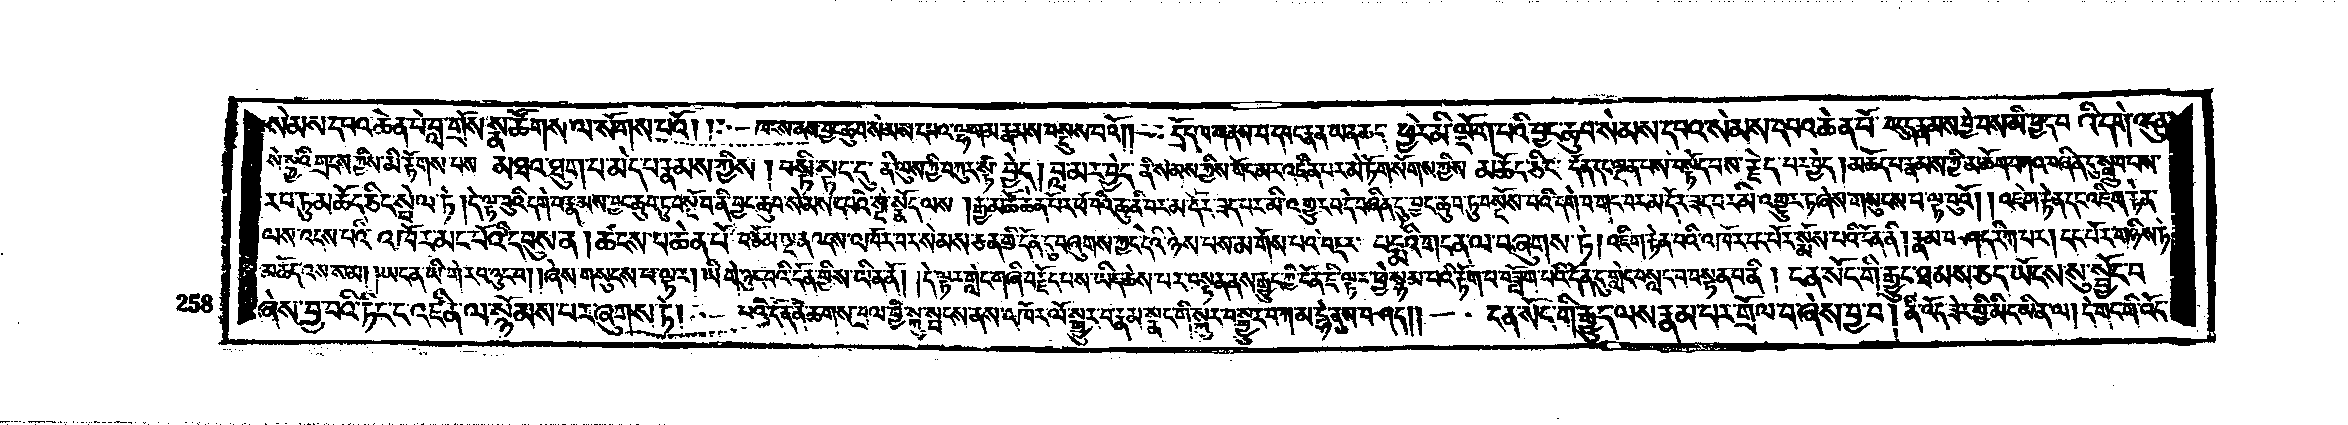སེམས་དཔའ་ཆེན་པོ་བློ་གྲོས་སྣ་ཚོགས་ལ་སོགས་པའོ། །ཁངས་ནས་བྱང་ཆུབ་སེམས་དཔའ་ལྷག་མ་རྣམས་བསྡུས་པའོ། །དྲོད་ལ་གནས་པ་དབང་རྣན་ཡན་ཆད་ཕྱིར་མི་ལྡོག་པའི་བྱང་ཆུབ་སེམས་དཔའ་སེམས་དཔའ་ཆེན་པོ་བདུད་རྣམས་བྱེ་བས་མི་ཕྱེད་པའི་དགེ་འདུན་
སེ་སྐྱེའི་གྲངས་ཀྱིས་མི་རྟོགས་པས་མཐའ་ཐུག་པ་མེད་པ་རྣམས་ཀྱིས། བསྟི་སྟིང་དུ་ནི་ལུས་ཀྱི་བཀུར་སྟེ་བྱེད། བླ་མར་བྱེད་ནི་སེམས་ཀྱིས་གོང་མར་འཛིན་པར་མེ་ཏོག་སོགས་ཀྱིས་མཆོད་ཅིང་དོན་དང་ལྡན་པས་བསྟོད་པས་རྗེད་པར་བྱད། མཆོད་པ་རྣམས་ཀྱི་མཆོག་བཀའ་བཞིན་དུ་སྒྲུབ་པས་
རབ་ཏུ་མཆོད་ཅིང་སྤེལ་ཏེ། དེ་ལྟ་བུའི་དགེ་བ་རྣམས་བྱང་ཆུབ་ཏུ་བསྔོ་བ་ནི་བྱང་ཆུབ་སེམས་དཔའི་སྡེ་སྣོད་ལས། རྒྱ་མཚོ་ཆེན་པོར་ཕོ་?་བའི་ཆུ་ནི་བར་མ་དོར་ཟད་པར་མི་འགྱུར་བ་དེ་བཞིན་དུ་བྱང་ཆུབ་ཏུ་བསྔོས་བའི་དགེ་བ་གང་བར་མ་དོར་ཟད་པར་མི་འགྱུར་ཏ་ཞེས་གསུངས་པ་ལྟ་བུའོ། །འཇིག་རྟེན་དང་འཇིག་རྟེན་
ལས་འདས་པའི་འཁོར་མང་པོའི་དབུས་ན། ཚངས་པ་ཆེན་པོ་བཅོམ་ལྡན་འདས་འཁོར་བར་སེམས་ཅན་གྱི་དོན་དུ་བཞུགས་ཀྱང་དེའི་ཉེས་པས་མ་གོས་པའི་བརྡར་པདམའི་གདན་ལ་བཞུགས་ཏེ། འཇིག་རྟེན་པའི་འཁོར་དང་པོར་སྨོས་པའི་དོན་ནི། རྣམ་བཤད་རིག་པར། དང་པོར་གཉིས་ཏེ་
མཆོད་འོས་སམ། །ཡང་ན་ཡི་གེ་རབ་ཉུང་བ། །ཞེས་གསུངས་པ་ལྟར། ཡི་གེ་ཉུང་བའི་དོན་གྱིས་ཡིན་ནོ། །དེ་ལྟར་གླེང་གཞི་བརྗོད་པས་ཡིད་ཆེས་པར་བསྟན་ནས་རྒྱུད་ཀྱི་དོན་ཇི་ལྟར་ཕྱེ་སྙམ་པའི་རྟོག་པ་བཟློག་པའི་དོན་དུ་གླེང་བསླང་བ་བསྟན་པ་ནི། ངན་སོང་གི་རྒྱུད་ཐམས་ཅད་ཡོངས་སུ་སྦྱོང་བ་
ཞེས་བྱ་བའི་ཏིང་ངེ་འཛིན་ལ་སྙོམས་པར་ཞུགས་ཏེ། པའི་དོན་ནི་ཆགས་བྲལ་གྱི་སྐུ་སྤངས་ནས་འཁོར་ལོ་སྒྱུར་བ་རྣམ་སྣང་གི་སྐུར་བ་སྒྱུར་བ་ཀ་མ་དྷེ་ནུས་བཤད། །ངན་སོང་གི་རྒྱུད་ལས་རྣམ་པར་གྲོལ་བ་ཞེས་བྱ་བ། ནི་འོད་ཟེར་གྱི་མིང་ཡིན་ལ་དེ་གང་གི་འོད་